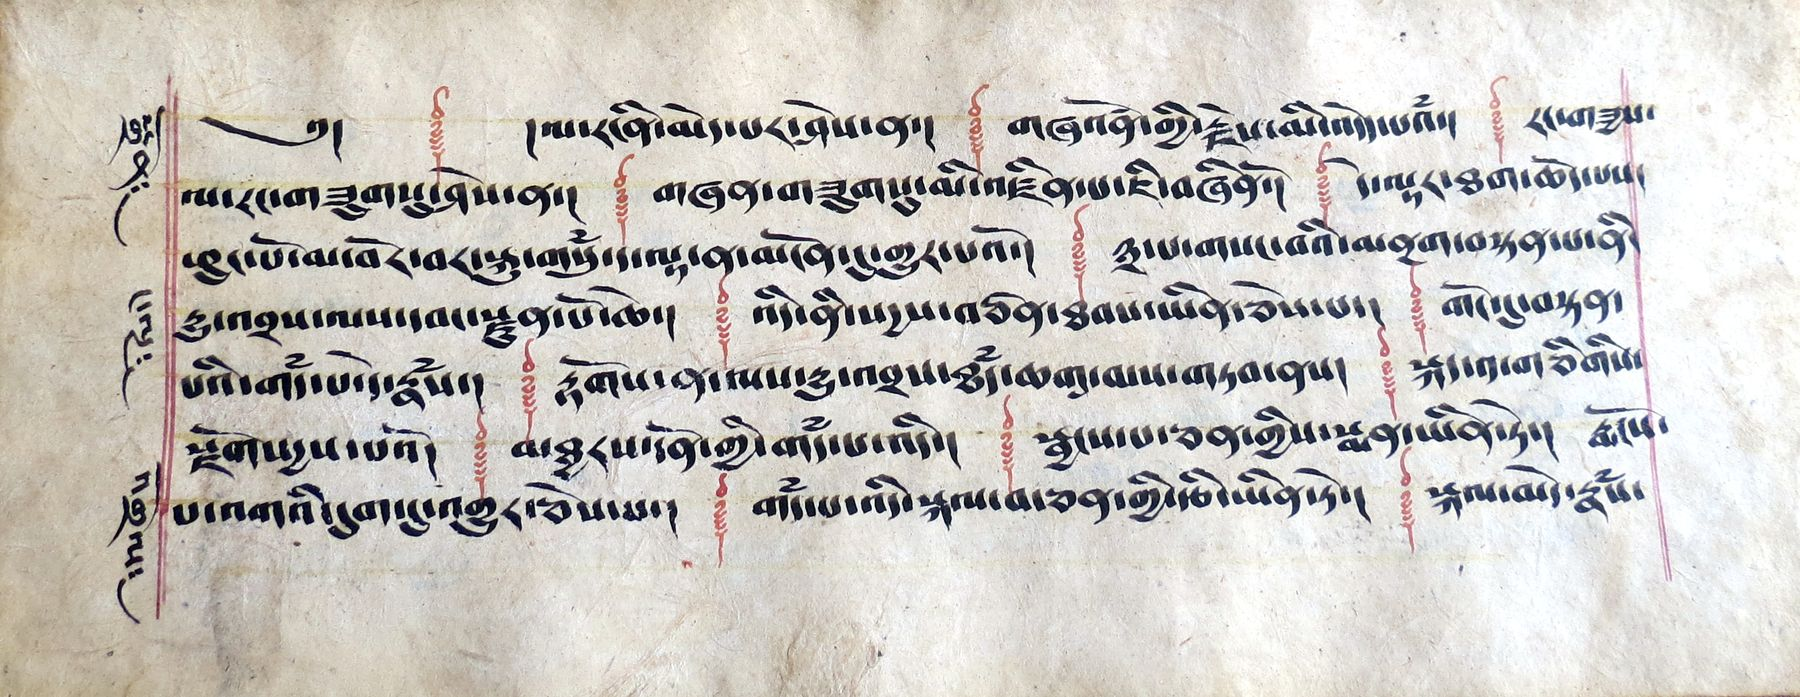ལ་རང་བཞིན་མེད་པར་ཤེས་ན། གཞའ་ཚོན་གྱི་རྗེས་མི་འདེད་པའམ། རང་གཟུགས་
ལ་རང་གཟུགས་སུ་ཤེས་ན། གཞན་གཟུགས་སུ་མི་འཛིན་པ་བཞིན་ནོ། །དེ་ལྟར་ཐག་ཆོད་པས། 
ཕུང་པོ་མ་བོར་བར་སྐུ་གསུམ་ད་ལྟ་ནས་མངོན་དུ་གྱུར་པའོ། །གསུམ་པ་གསང་བའི་མན་ངག་བསྟན་པ་ནི། 
རྒྱུ་འབྲས་ལས་དབང་རྫུན་པོ་ཆེ། འདི་ནི་སངས་རྒྱས་བཙན་ཐབས་ཡིན། །ཞེས་པས། གོང་དུ་བསྟན་
པའི་གདམས་པ་དེ་རྣམས། རྟོགས་ན་ལས་རྒྱུ་འབྲས་ཐམས་ཅད་ཕྱགས་མས་བཏབ་ནས། སྐད་ཅིག་གཅིག་གིས་
རྫོགས་སངས་རྒྱས་པའོ། །མཐར་ཐུག་དོན་གྱི་གདམས་པ་འདི། སྦྱངས་པ་ཅན་གྱི་སྨན་ཡིན་ཏེ། རྨོངས་
པ་འགའི་དུག་ཏུ་འགྱུར། །ཞེས་པས། གདམས་པ་འདི་སྐལ་པ་ཅན་གྱི་རྩི་ཡིན་ཏེ། སྐལ་མེད་རྣམས་